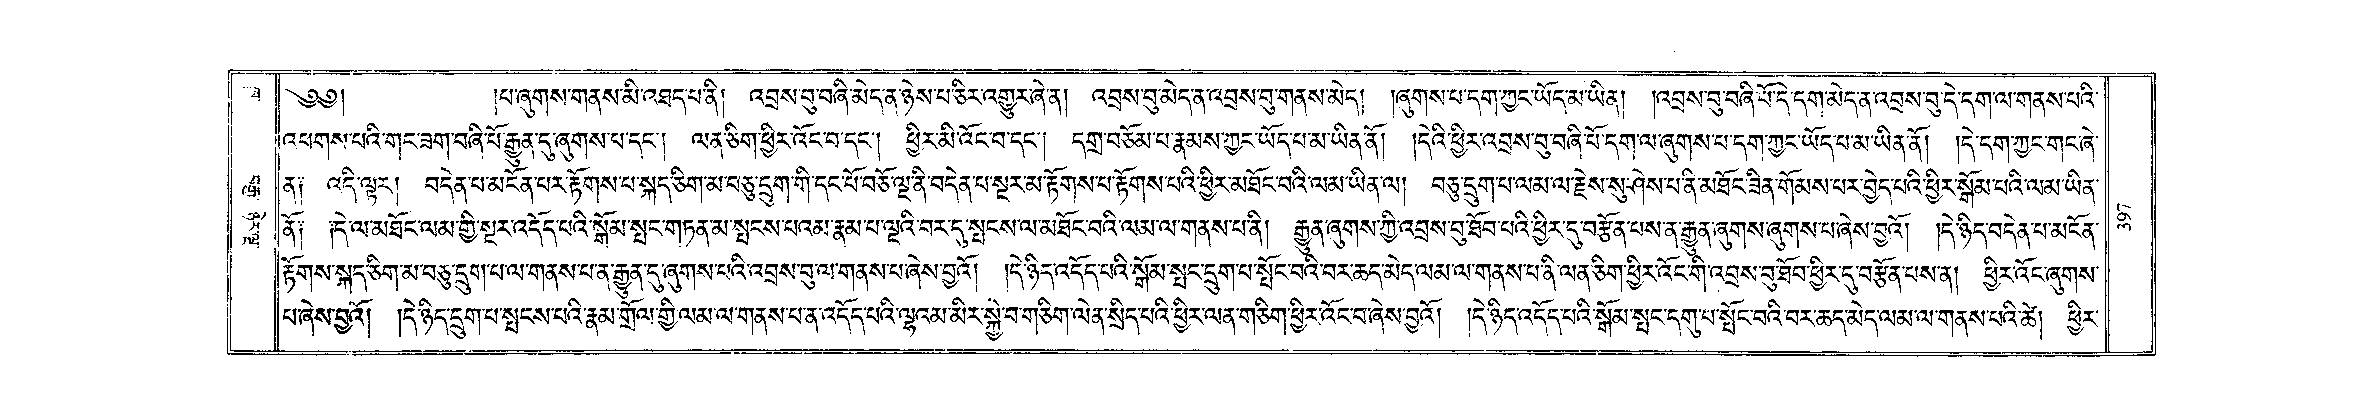༄༅། །པ་ཞུགས་གནས་མི་འཐད་པ་ནི། འབྲས་བུ་བཞི་མེད་ན་ཉེས་པ་ཅིར་འགྱུར་ཞེ་ན། འབྲས་བུ་མེད་ན་འབྲས་བུ་གནས་མེད། །ཞུགས་པ་དག་ཀྱང་ཡོད་མ་ཡིན། །འབྲས་བུ་བཞི་པོ་དེ་དག་མེད་ན་འབྲས་བུ་དེ་དག་ལ་གནས་པའི་
འཕགས་པའི་གང་ཟག་བཞི་པོ་རྒྱུན་དུ་ཞུགས་པ་དང་། ལན་ཅིག་ཕྱིར་འོང་བ་དང་། ཕྱིར་མི་འོང་བ་དང་། དགྲ་བཅོམ་པ་རྣམས་ཀྱང་ཡོད་པ་མ་ཡིན་ནོ། །དེའི་ཕྱིར་འབྲས་བུ་བཞི་པོ་དག་ལ་ཞུགས་པ་དག་ཀྱང་ཡོད་པ་མ་ཡིན་ནོ། །དེ་དག་ཀྱང་གང་ཞེ་
ན༑ འདི་ལྟར། བདེན་པ་མངོན་པར་རྟོགས་པ་སྐད་ཅིག་མ་བཅུ་དྲུག་གི་དང་པོ་བཅོ་ལྔ་ནི་བདེན་པ་སྔར་མ་རྟོགས་པ་རྟོགས་པའི་ཕྱིར་མཐོང་བའི་ལམ་ཡིན་ལ། བཅུ་དྲུག་པ་ལམ་ལ་རྗེས་སུ་ཤེས་པ་ནི་མཐོང་ཟིན་གོམས་པར་བྱེད་པའི་ཕྱིར་སྒོམ་པའི་ལམ་ཡིན་
ནོ༑ ༑དེ་ལ་མཐོང་ལམ་གྱི་སྔར་འདོད་པའི་སྒོམ་སྤང་གཏན་མ་སྤངས་པའམ་རྣམ་པ་ལྔའི་བར་དུ་སྤངས་ལ་མཐོང་བའི་ལམ་ལ་གནས་པ་ནི། རྒྱུན་ཞུགས་ཀྱི་འབྲས་བུ་ཐོབ་པའི་ཕྱིར་དུ་བརྩོན་པས་ན་རྒྱུན་ཞུགས་པ་ཞེས་བྱའོ། །དེ་ཉིད་བདེན་པ་མངོན་
རྟོགས་སྐད་ཅིག་མ་བཅུ་དྲུག་པ་ལ་གནས་པ་ན་རྒྱུན་དུ་ཞུགས་པའི་འབྲས་བུ་ལ་གནས་པ་ཞེས་བྱའོ། །དེ་ཉིད་འདོད་པའི་སྒོམ་སྤང་དྲུག་པ་སྤོང་བའི་བར་ཆད་མེད་ལམ་ལ་གནས་པ་ནི་ལན་ཅིག་ཕྱིར་འོང་གི་འབྲས་བུ་ཐོབ་ཕྱིར་དུ་བརྩོན་པས་ན། ཕྱིར་འོང་ཞུགས་
པ་ཞེས་བྱའོ། །དེ་ཉིད་དྲུག་པ་སྤངས་པའི་རྣམ་གྲོལ་གྱི་ལམ་ལ་གནས་པ་ན་འདོད་པའི་ལྷའམ་མིར་སྐྱེ་བ་གཅིག་ལེན་སྲིད་པའི་ཕྱིར་ལན་གཅིག་ཕྱིར་འོང་བ་ཞེས་བྱའོ། །དེ་ཉིད་འདོད་པའི་སྒོམ་སྤང་དགུ་པ་སྤོང་བའི་བར་ཆད་མེད་ལམ་ལ་གནས་པའི་ཚེ། ཕྱིར་